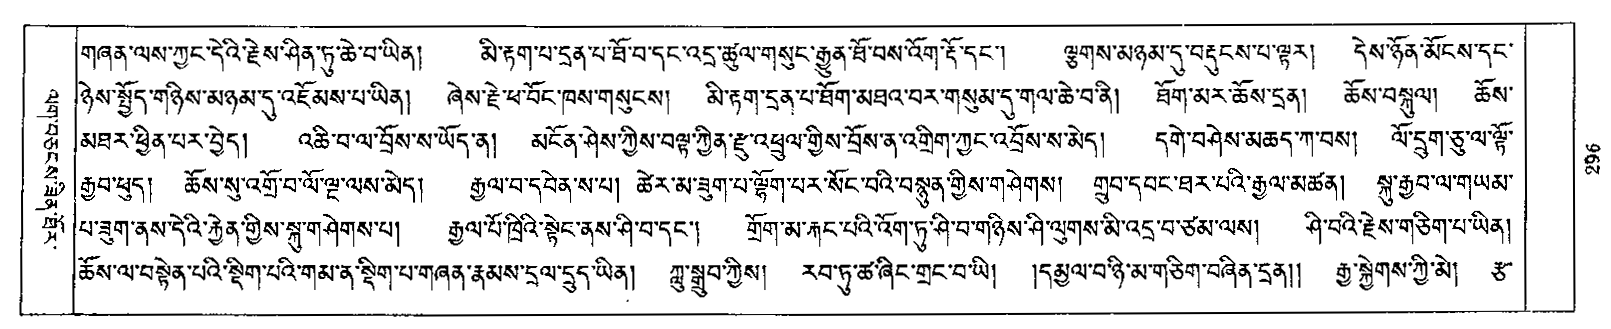གཞན་ལས་ཀྱང་དེའི་རྗེས་ཤིན་ཏུ་ཆེ་བ་ཡིན། མི་རྟག་པ་དྲན་པ་ཐོ་བ་དང་འདྲ་ཚུལ་གསུང་རྒྱུན་ཐོ་བས་འོག་རྡོ་དང་། ལྕགས་མཉམ་དུ་བརྡུངས་པ་ལྟར། དེས་ཉོན་མོངས་དང་
ཉེས་སྤྱོད་གཉིས་མཉམ་དུ་འཇོམས་པ་ཡིན། ཞེས་རྗེ་ཕ་བོང་ཁས་གསུངས། མི་རྟག་དྲན་པ་ཐོག་མཐའ་བར་གསུམ་དུ་གལ་ཆེ་བ་ནི། ཐོག་མར་ཆོས་དྲན། ཆོས་བསྐུལ། ཆོས་
མཐར་ཕྱིན་པར་བྱེད། འཆི་བ་ལ་བྲོས་ས་ཡོད་ན། མངོན་ཤེས་ཀྱིས་བལྟ་ཀྱིན་རྫུ་འཕྲུལ་གྱིས་བྲོས་ན་འགྲིག་ཀྱང་འབྲོས་ས་མེད། དགེ་བཤེས་མཆད་ཀ་བས། ལོ་དྲུག་ཅུ་ལ་ལྟོ་
རྒྱབ་ཕུད། ཆོས་སུ་འགྲོ་བ་ལོ་ལྔ་ལས་མེད། རྒྱལ་བ་དབེན་ས་པ། ཚེར་མ་ཟུག་པ་ལྷོག་པར་སོང་བའི་བསྙུན་གྱིས་གཤེགས། གྲུབ་དབང་ཐར་པའི་རྒྱལ་མཚན། སྐུ་རྒྱབ་ལ་གཡམ་
པ་ཟུག་ནས་དེའི་རྐྱེན་གྱིས་སྐུ་གཤེགས་པ། རྒྱལ་པོ་ཁྲིའི་སྟེང་ནས་ཤི་པ་དང་། གྲོག་མ་རྐང་པའི་འོག་ཏུ་ཤི་བ་གཉིས་ཤི་ལུགས་མི་འདྲ་བ་ཙམ་ལས། ཤི་བའི་རྗེས་གཅིག་པ་ཡིན།
ཆོས་ལ་བསྟེན་པའི་སྡིག་པའི་གམ་ན་སྡིག་པ་གཞན་རྣམས་དྲལ་དྲུད་ཡིན། ཀླུ་སྒྲུབ་ཀྱིས། རབ་ཏུ་ཚ་ཞིང་གྲང་བ་ཡི། །དམྱལ་བ་ཉི་མ་གཅིག་བཞིན་དྲན།། རྒྱ་སྐྱེགས་ཀྱི་མེ། རྩ་